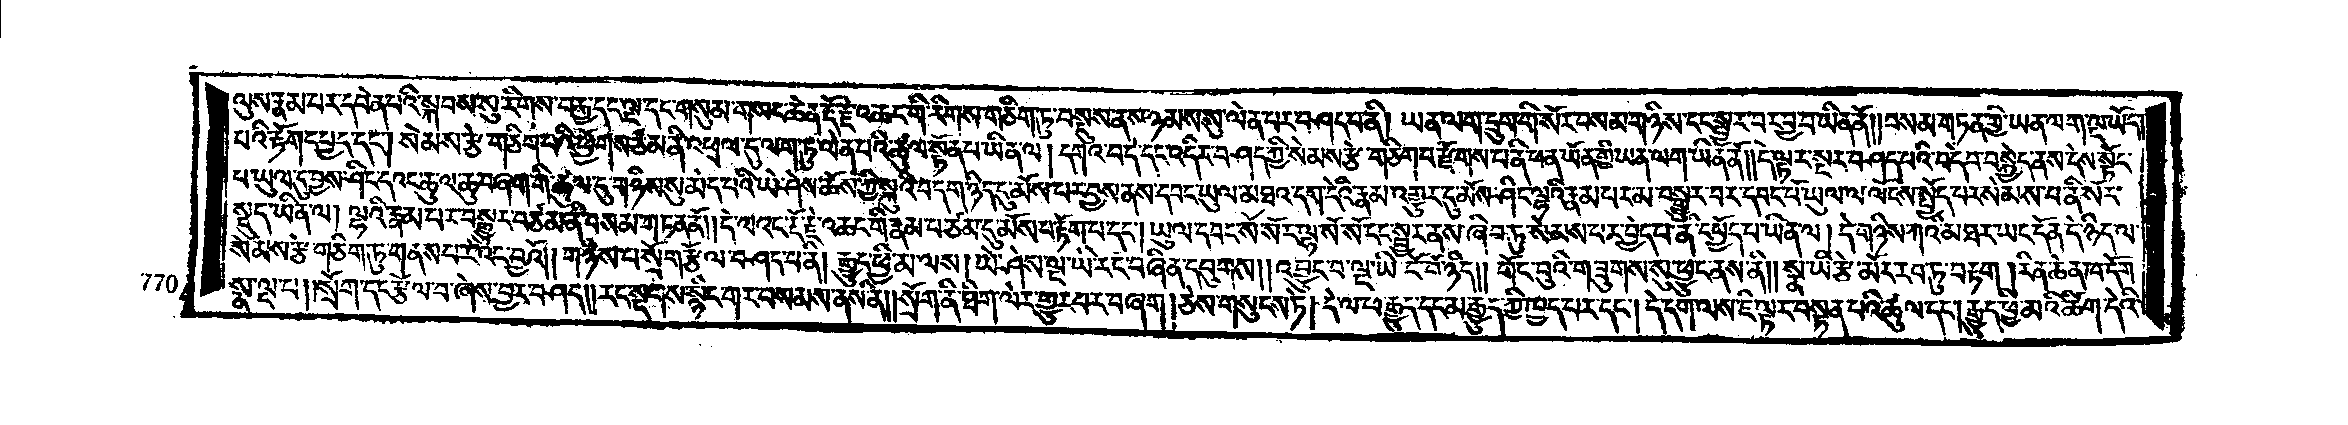ལུས་རྣམ་པར་དབེན་པའི་སྐབས་སུ་རིགས་བརྒྱ་དང་ལྔ་དང་གསུམ་གསང་ཆེན་རྡོ་རྗེ་འཆང་གི་རིགས་གཅིག་ཏུ་བསྡུས་ནས་ཉམས་སུ་ལེན་པར་བཤད་པ་ནི། ཡན་ལག་དྲུག་གི་སོར་བསམ་གཉིས་དང་སྦྱར་བར་བྱ་བ་ཡིན་ནོ། །བསམ་གཏན་གྱི་ཡན་ལག་ལྔ་ཡོད་
པའི་རྟོག་དཔྱད་དང་། སེམས་རྩེ་གཅིག་པའི་ཕྱོགས་ཙམ་ནི་འཕྲལ་དུ་ལག་ཏུ་ལེན་པའི་ཚུལ་སྟོན་པ་ཡིན་ལ། དགའ་བདེ་དང་འདིར་བཤད་ཀྱི་སེམས་རྩེ་གཅིག་པ་རྫོགས་པ་ནི་ཕན་ཡོན་གྱི་ཡན་ལག་ཡིན་ནོ། །དེ་ལྟར་སྔར་བཤད་པའི་བདེ་བ་བསྐྱེད་ནས་དེས་སྟོང་
པ་ཡུལ་དུ་བྱས་ཤིང་དེའང་ཆུ་ལ་ཆུ་བཞག་གི་ཚུལ་དུ་གཉིས་སུ་མེད་པའི་ཡེ་ཤེས་ཆོས་ཀྱི་སྐུའི་བདག་ཉིད་དུ་མོས་པར་བྱས་ནས་དབང་ཡུལ་མཐའ་དག་དེའི་རྣམ་འགྱུར་དུ་མོས་ཤིང་ལྷའི་རྣམ་པར་མ་བསྒྱུར་བར་དབང་པོ་ཡུལ་ལ་ལོངས་སྤྱོད་པར་སེམས་པ་ནི་སོར་
སྡུད་ཡིན་ལ། ལྷའི་རྣམ་པར་བསྒྱུར་བ་ཙམ་ནི་བསམ་གཏན་ནོ། །དེ་ལའང་རྡོ་རྗེ་འཆང་གི་རྣམ་པ་ཙམ་དུ་མོས་པ་རྟོག་པ་དང་། ཡུལ་དབང་སོ་སོར་ལྷ་སོ་སོ་དང་སྦྱར་ནས་ཞིབ་ཏུ་སེམས་པར་བྱེད་པ་ནི་དཔྱོད་པ་ཡིན་ལ། དེ་གཉིས་ཀའི་མཐར་ཡང་དོན་དེ་ཉིད་ལ་
སེམས་རྩེ་གཅིག་ཏུ་གནས་པ་རེ་འང་བྱའོ། །གཉིས་པ་སྲོག་རྩོལ་བཤད་པ་ནི། རྒྱུད་ཕྱི་མ་ལས། ཡེ་ཤེས་ལྔ་ཡི་རང་བཞིན་དབུགས། །འབྱུང་བ་ལྔ་ཡི་ངོ་བོ་ཉིད། །གོང་བུའི་གཟུགས་སུ་ཕྱུང་ནས་ནི། །སྣ་ཡི་རྩེ་མོར་རབ་ཏུ་བརྟག །རིན་ཆེན་ཁ་དོག་
སྣ་ལྔ་པ། །སྲོག་དང་རྩོལ་བ་ཞེས་བྱར་བཤད། །རང་སྔགས་སྙིང་གར་བསམས་ནས་ནི། །སྲོག་ནི་ཐིག་ལེར་གྱུར་པར་བཞག །ཅེས་གསུངས་ཏེ། དེ་ལ་ཕ་རྒྱུད་དང་མ་རྒྱུད་ཀྱི་ཁྱད་པར་དང་། དེ་དག་ལས་ཇི་ལྟར་བསྟན་པའི་ཚུལ་དང་། རྒྱུད་ཕྱི་མའི་ཚིག་དེའི་